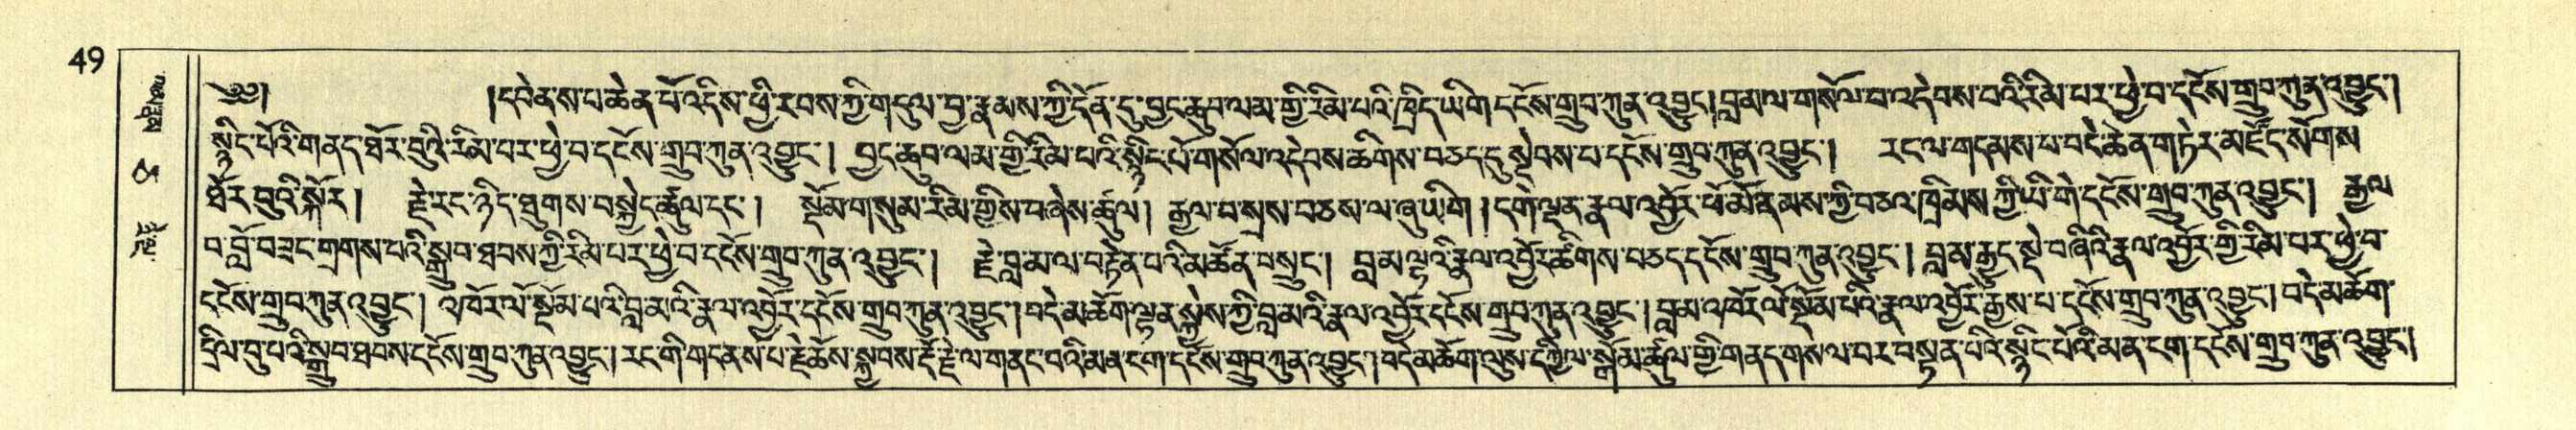༄༅། །དབེན་ས་པ་ཆེན་པོ་འདིས་ཕྱི་རབས་ཀྱི་གདུལ་བྱ་རྣམས་ཀྱི་དོན་དུ་བྱང་ཆུབ་ལམ་གྱི་རིམ་པའི་ཁྲིད་ཡིག་དངོས་གྲུབ་ཀུན་འབྱུང་། བླ་མ་ལ་གསོལ་བ་འདེབས་བའི་རིམ་པར་ཕྱེ་བ་དངོས་གྲུབ་ཀུན་འབྱུང་།
སྙིང་པོའི་གནད་ཐོར་བུའི་རིམ་པར་ཕྱེ་བ་དངོས་གྲུབ་ཀུན་འབྱུང་། བྱང་ཆུབ་ལམ་གྱི་རིམ་པའི་སྙིང་པོ་གསོལ་འདེབས་ཚིགས་བཅད་དུ་སྡེབས་པ་དངོས་གྲུབ་ཀུན་འབྱུང་། རང་ལ་གདམས་པ་བདེ་ཆེན་གཏེར་མཛོད་སོགས་
ཐོར་བུའི་སྐོར། རྗེ་རང་ཉིད་ཐུགས་བསྐྱེད་ཚུལ་དང་། སྡོམ་གསུམ་རིམ་གྱིས་བཞེས་ཚུལ། རྒྱལ་བ་སྲས་བཅས་ལ་ཞུ་ཡིག། དགེ་ལྡན་རྣལ་འབྱོར་ཕོ་མོ་ནམས་ཀྱི་བཅའ་ཁྲིམས་ཀྱི་ཡི་གེ་དངོས་གྲུབ་ཀུན་འབྱུང་། རྒྱལ་
བ་བློ་བཟང་གྲགས་པའི་སྒྲུབ་ཐབས་ཀྱི་རིམ་པར་ཕྱེ་བ་དངོས་གྲུབ་ཀུན་འབྱུང་། རྗེ་བླ་མ་ལ་བརྟེན་པའི་མཚོན་བསྲུང་། བླ་མ་ལྷའི་རྣལ་འབྱོར་ཚིགས་བཅད་དངོས་གྲུབ་ཀུན་འབྱུང་། བླ་མ་རྒྱུད་སྡེ་བཞིའི་རྣལ་འབྱོར་གྱི་རིམ་པར་ཕྱེ་བ་
དངོས་གྲུབ་ཀུན་འབྱུང་། འཁོར་ལོ་སྡོམ་པའི་བླ་མའི་རྣལ་འབྱོར་དངོས་གྲུབ་ཀུན་འབྱུང་། བདེ་མཆོག་ལྷན་སྐྱེས་ཀྱི་བླ་མའི་རྣལ་འབྱོར་དངོས་གྲུབ་ཀུན་འབྱུང་། བླ་མ་འཁོར་ལོ་སྡོམ་པའི་རྣལ་འབྱོར་རྒྱས་པ་དངོས་གྲུབ་ཀུན་འབྱུང་། བདེ་མཆོག་
དྲིལ་བུ་པའི་སྒྲུབ་ཐབས་དངོས་གྲུབ་ཀུན་འབྱུང་། རང་གི་གདན་ས་པ་རྗེ་ཆོས་སྐྱབས་རྡོ་རྗེ་ལ་གནང་བའི་མན་ངག་དངོས་གྲུབ་ཀུན་འབྱུང་། བདེ་མཆོག་ལུས་དཀྱིལ་སྒོམ་ཚུལ་གྱི་གནད་གསལ་བར་བསྟན་པའི་སྙིང་པོའི་མན་ངག་དངོས་གྲུབ་ཀུན་འབྱུང་།